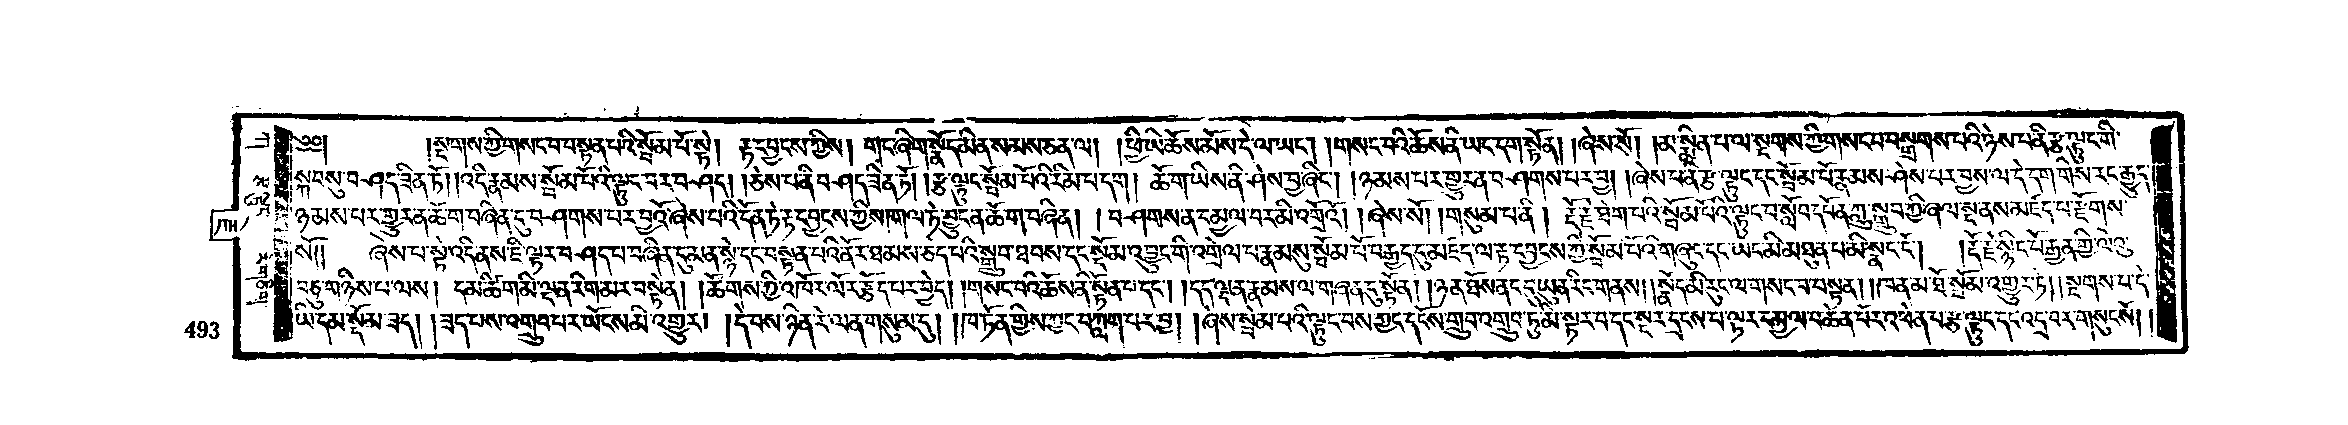༄༅། །སྔགས་ཀྱི་གསང་བ་བསྟན་པའི་སྦོམ་པོ་སྟེ། རྟ་དབྱངས་ཀྱིས། གང་ཞིག་སྣོད་མིན་སེམས་ཅན་ལ། །ཕྱི་ཡི་ཆོས་མོས་དེ་ལ་ཡང་། །གསང་བའི་ཆོས་ནི་ཡང་དག་སྟོན། །ཞེས་སོ། །མ་སྨིན་པ་ལ་སྔགས་ཀྱི་གསང་བ་བསྒྲགས་པའི་ཉེས་པ་ནི་རྩ་ལྟུང་གི་
སྐབས་སུ་བཤད་ཟིན་ཏོ། །འདི་རྣམས་སྦོམ་པོའི་ལྟུང་བར་བཤད། །ཅེས་པ་ནི་བཤད་ཟིན་ཏོ། །རྩ་ལྟུང་སྦོམ་པོའི་རིམ་པ་དག ། ཆོ་ག་ཡིས་ནི་ཤེས་བྱ་ཞིང་། །ཉམས་པར་གྱུར་ན་བཤགས་པར་བྱ། །ཞེས་པ་ནི་རྩ་ལྟུང་དང་སྦོམ་པོ་རྣམས་ཤེས་པར་བྱས་ལ་དེ་དག་གིས་རང་རྒྱུད་
ཉམས་པར་གྱུར་ན་ཆོ་ག་བཞིན་དུ་བཤགས་པར་བྱའོ་ཞེས་པའི་དོན་ཏེ་རྟ་དབྱངས་ཀྱིས། གལ་ཏེ་བྱུང་ན་ཆོ་ག་བཞིན། །བཤགས་ན་དམྱལ་བར་མི་འགྲོའོ། །ཞེས་སོ། །གསུམ་པ་ནི། རྡོ་རྗེ་ཐེག་པའི་སྦོམ་པོའི་ལྟུང་བ་སློབ་དཔོན་ཀླུ་སྒྲུབ་ཀྱི་ཞལ་སྔ་ནས་མཛད་པ་རྫོགས་
སོ།། ཞེས་པ་སྟེ་འདི་ནས་ཇི་ལྟར་བཤད་པ་བཞིན་དུ་མན་སྙེ་དང་བསྟན་པའི་ནོར་ཐམས་ཅད་པའི་སྒྲུབ་ཐབས་དང་སྡོམ་འབྱུང་གི་འགྲེལ་པ་རྣམས་སུ་སྦོམ་པོ་བརྒྱད་དུ་མཛད་ལ་རྟ་དབྱངས་ཀྱི་སྦོམ་པོའི་གཞུང་དང་ཡང་མི་མཐུན་པ་མི་སྣང་ངོ། །རྡོ་རྗེ་སྙིང་པོ་རྒྱན་གྱི་ལེའུ་
བཅུ་གཉིས་པ་ལས། དམ་ཚིག་མི་ལྡན་རིག་མར་བསྟེན། །ཚོགས་ཀྱི་འཁོར་ལོར་རྩོད་པར་བྱེད། །གསང་བའི་ཆོས་ནི་སྟོན་པ་དང་། །དད་ལྡན་རྣམས་ལ་གཞན་དུ་སྟོན། །ཉན་ཐོས་ནང་དུ་ཡུན་རིང་གནས། །སྣོད་མི་རུང་ལ་གསང་བ་བསྟན། །ཁ་ན་མ་ཐོ་སྦོམ་འགྱུར་ཏེ། །སྔགས་པ་དེ་
ཡི་དམ་སྡོམ་ཟད། །ཟད་པས་འགྲུབ་པར་ཡོངས་མི་འགྱུར། །དེ་བས་ཉིན་རེ་ལན་གསུམ་དུ། །ཁ་ཏོན་གྱིས་ཀྱང་བཀླག་པར་བྱ། །ཞེས་སྦོམ་པའི་ལྟུང་བས་ཀྱང་དངོས་གྲུབ་འགྲུབ་ཏུ་མི་སྟར་བ་དང་སྔར་དྲངས་པ་ལྟར་དམྱལ་བ་ཆེན་པོར་འཕེན་པ་རྩ་ལྟུང་དང་འདྲ་བར་གསུངས་སོ། །